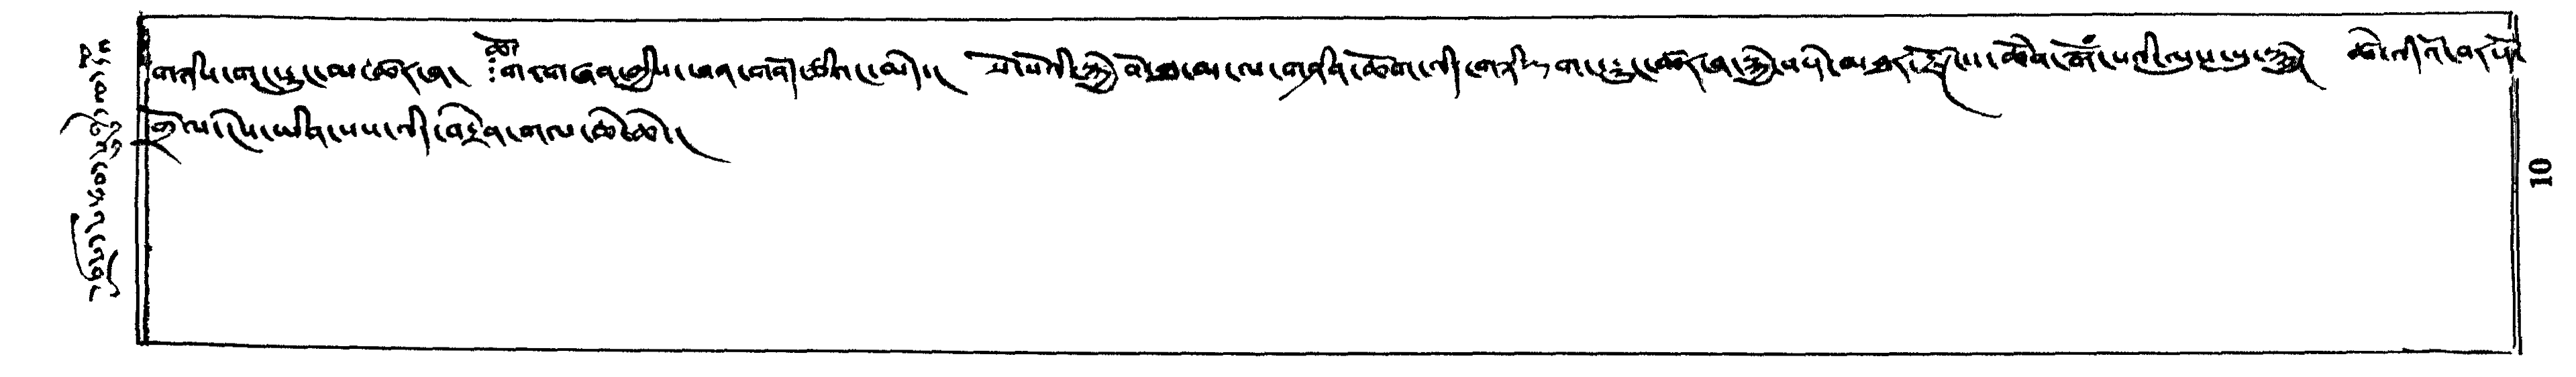གཉིས་གང་རུང་མ་ཚར་ན། ཆོ་ག་གཞན་གྱིས་ཕན་གནོད་ཅིའང་མེད། སོ་སོའི་སྐྱེ་བོ་ཐ་མ་པ་ལ་གཤིན་ཆོག་འདི་གཉིས་གང་རུང་ཚར་ན་སྐྱེ་བ་དེ་མཐར་རྫོགས་པ་ཆེན་པོ་སྒོམ་པའི་ལུས་སུ་སྐྱེ། ཚེ་འདིའམ་བར་དོར་
གྲོལ་ངེས་ཡིན་པས་འདི་བརྟེན་གལ་ཆེ་ཆེ།། དགེའོ།།